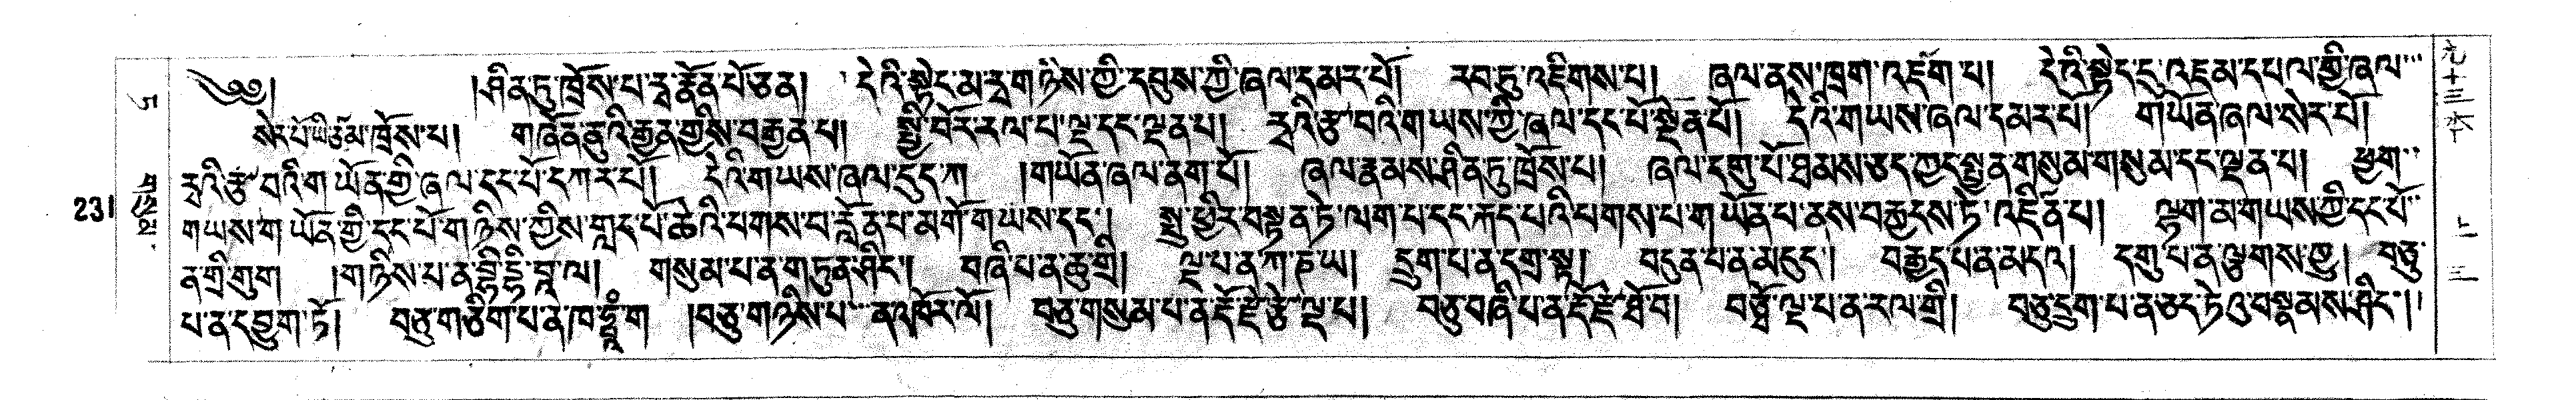༄༅། །ཤིན་ཏུ་ཁྲོས་པ་རྭ་རྣོན་པོ་ཅན། །དེའི་སྟེང་མ་རྭ་གཉིས་ཀྱི་དབུས་ཀྱི་ཞལ་དམར་པོ། རབ་ཏུ་འཇིགས་པ། ཞལ་ནས་ཁྲག་འཛག་པ། དེའི་སྟེང་དུ་འཇམ་དཔལ་གྱི་ཞལ་
སེར་པོ་ཡི་ཙམ་ཁྲོས་པ། གཞོན་ནུའི་རྒྱན་གྱིས་བརྒྱན་པ། སྤྱི་བོར་རལ་པ་ལྔ་དང་ལྡན་པ། རྭའི་རྩ་བའི་གཡས་ཀྱི་ཞལ་དང་པོ་སྔོན་པོ། དེའི་གཡས་ཞལ་དམར་པོ། གཡོན་ཞལ་སེར་པོ།
རྭའི་རྩ་བའི་གཡོན་གྱི་ཞལ་དང་པོ་དཀར་པོ། དེའི་གཡས་ཞལ་དུད་ཀ །གཡོན་ཞལ་ནག་པོ། ཞལ་རྣམས་ཤིན་ཏུ་ཁྲོས་པ། ཞལ་དགུ་པོ་ཐམས་ཅད་ཀྱང་སྤྱན་གསུམ་གསུམ་དང་ལྡན་པ། ཕྱག་
གཡས་གཡོན་གྱི་དང་པོ་གཉིས་ཀྱིས་གླང་པོ་ཆེའི་པགས་པ་རློན་པ་མགོ་གཡས་དང་། སྤུ་ཕྱིར་བསྟན་ཏེ་ལག་པ་དང་རྐད་པའི་པགས་པ་གཡོན་པ་ནས་བརྐྱངས་ཏེ་འཛིན་པ། ལྷག་མ་གཡས་ཀྱི་དང་པོ་
ན་གྲི་གུག །གཉིས་པ་ན་བྷི་བྷི་བཱ་ལ། གསུམ་པ་ན་གཏུན་ཤིང་། བཞི་པ་ན་ཆུ་གྲི། ལྔ་པ་ན་ཀ་ཎ་ཡ། དྲུག་པ་ན་དགྲ་སྟ། བདུན་པ་ན་མདུད། བརྒྱད་པ་ན་མདའ། དགུ་པ་ན་ལྕགས་ཀྱུ། བཅུ་
པ་ན་དབྱུག་ཏོ། བཅུ་གཅིག་པ་ན་ཁ་ཧྦཱཾ་ག །བཅུ་གཉིས་པ་ན་འཁོར་ལོ། བཅུ་གསུམ་པ་ན་རྡོ་རྗེ་རྩེ་ལྔ་པ། བཅུ་བཞི་པ་ན་རྡོ་རྗེ་ཐོ་བ། བཅྭོ་ལྔ་པ་ན་རལ་གྲི། བཅུ་དྲུག་པ་ན་ཅད་ཏེའུ་བསྣམས་ཤིང་། །